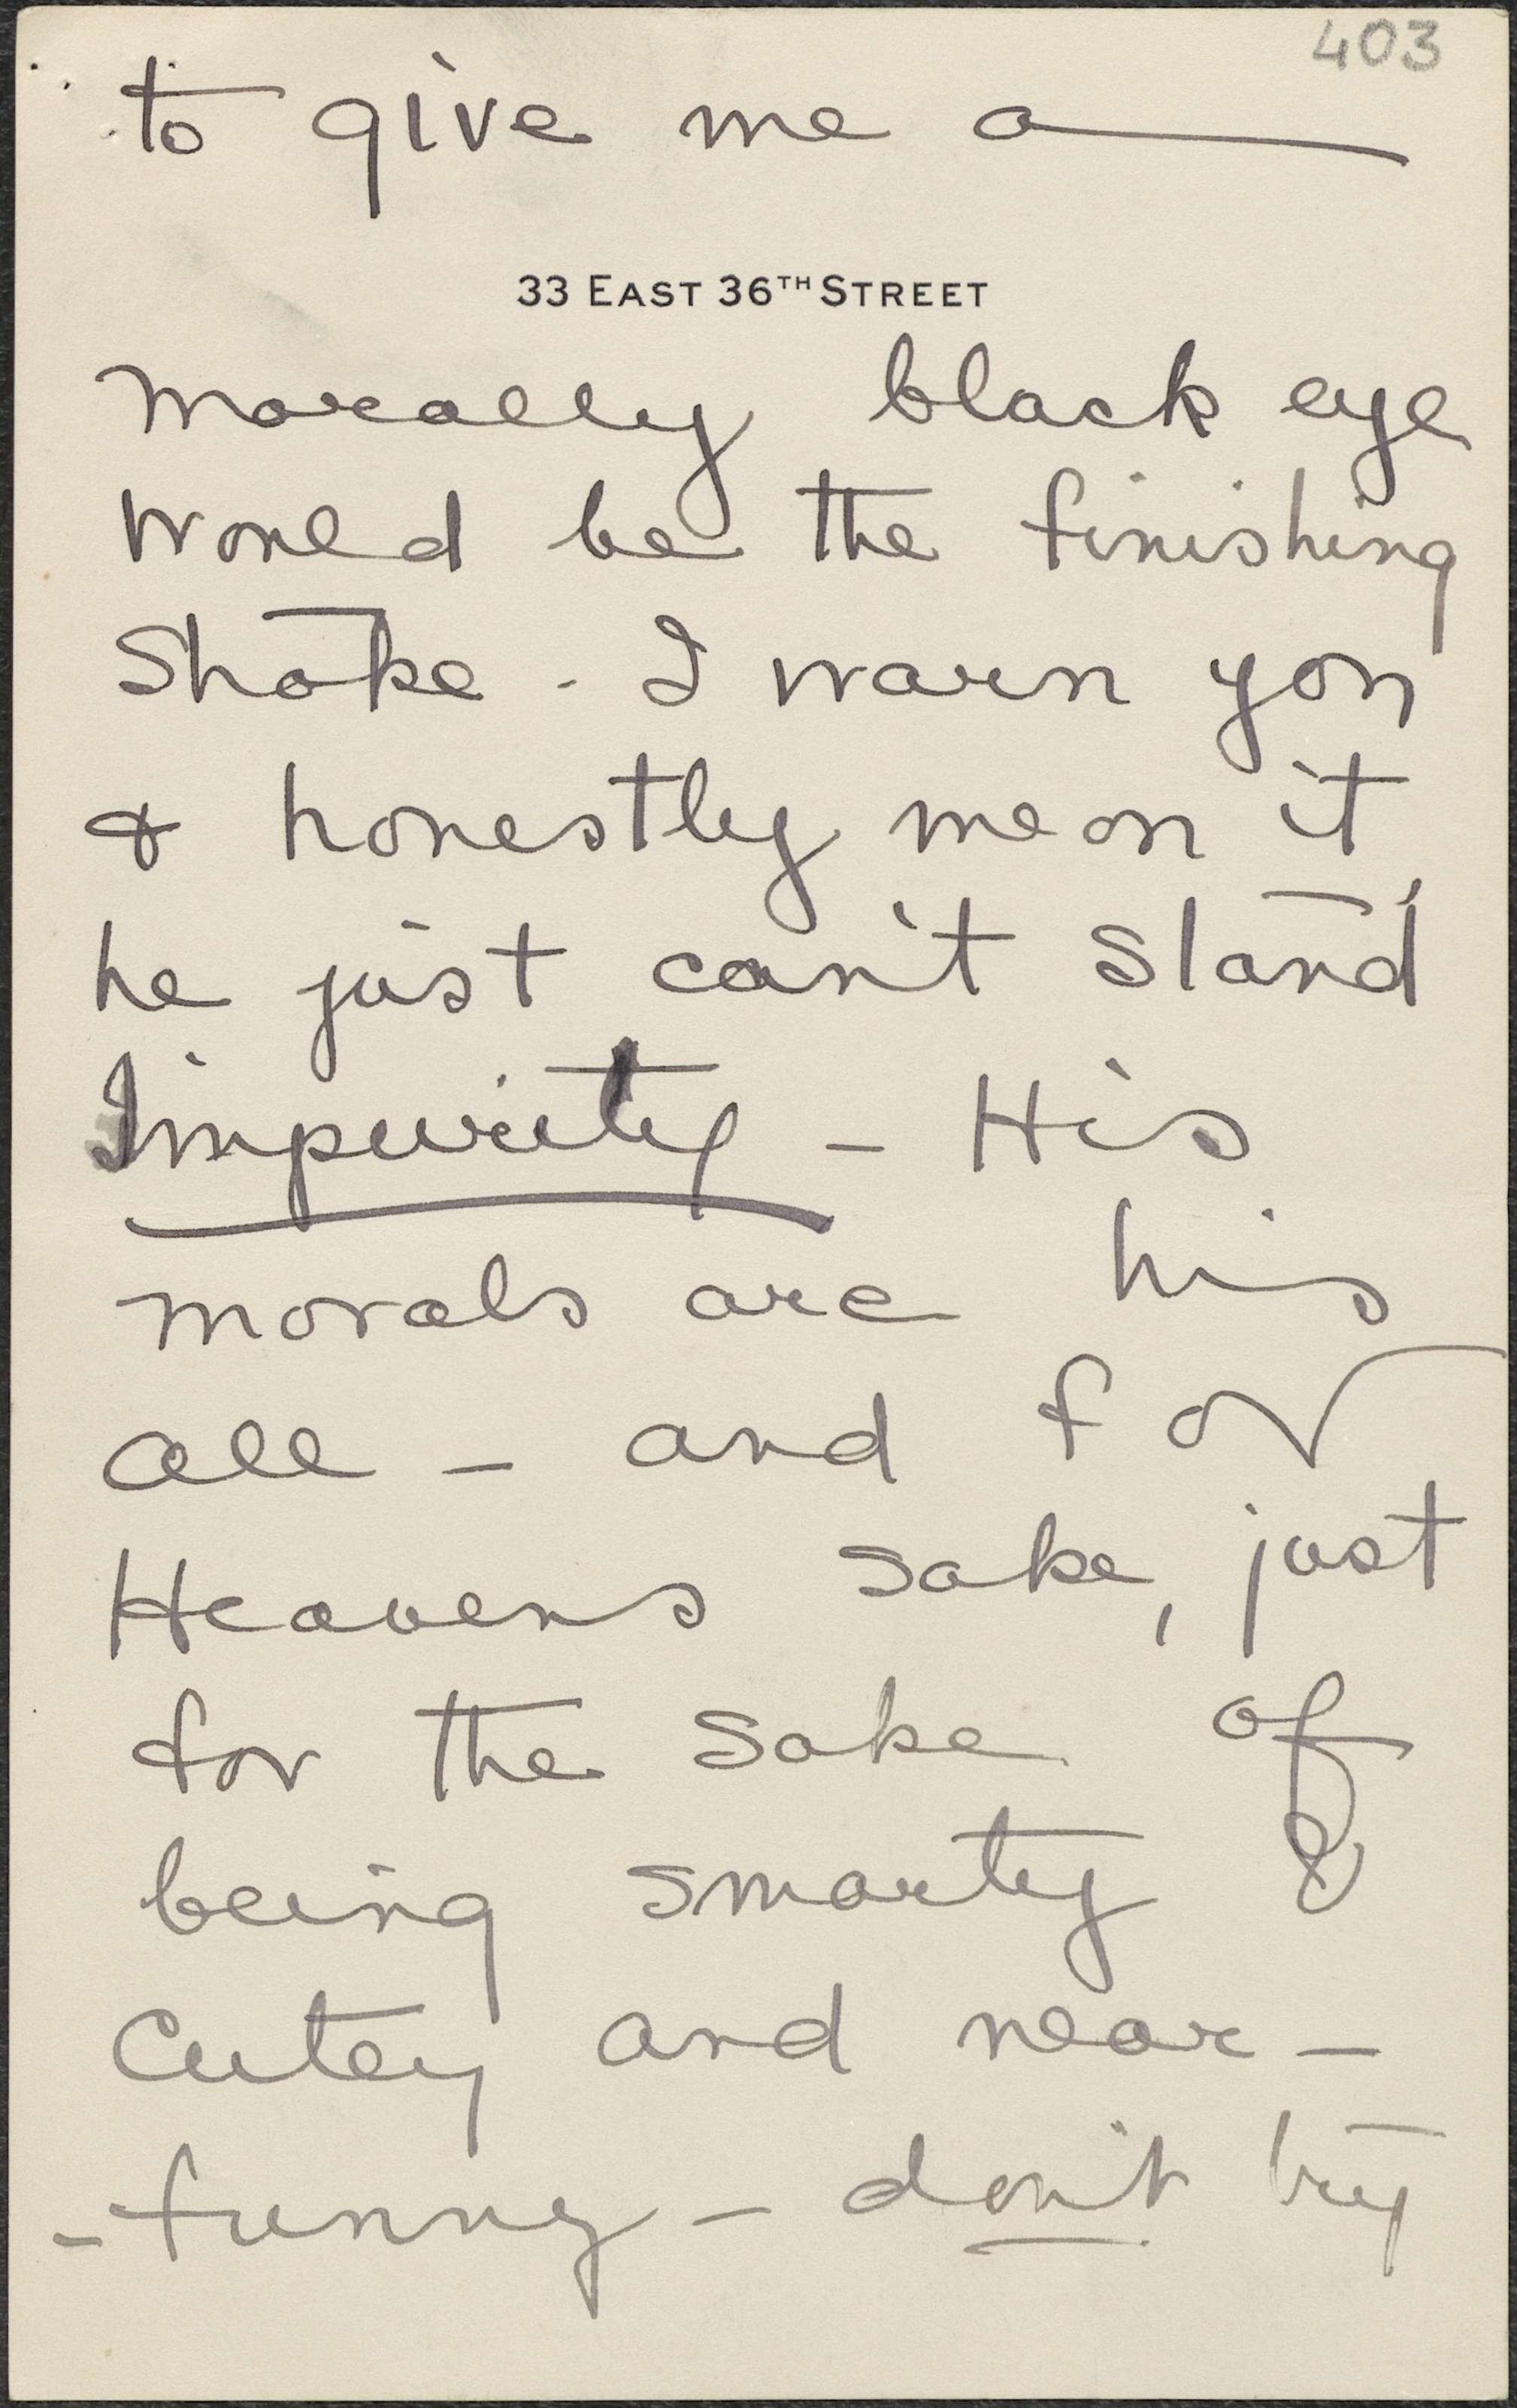to give me a morally black eye would be the finishing stroke. I warn you & honestly mean it he just can’t stand Impurity – His morals are his All – and for Heavens sake, just for the sake of being smarty & cutey and near – – funny – don’t try